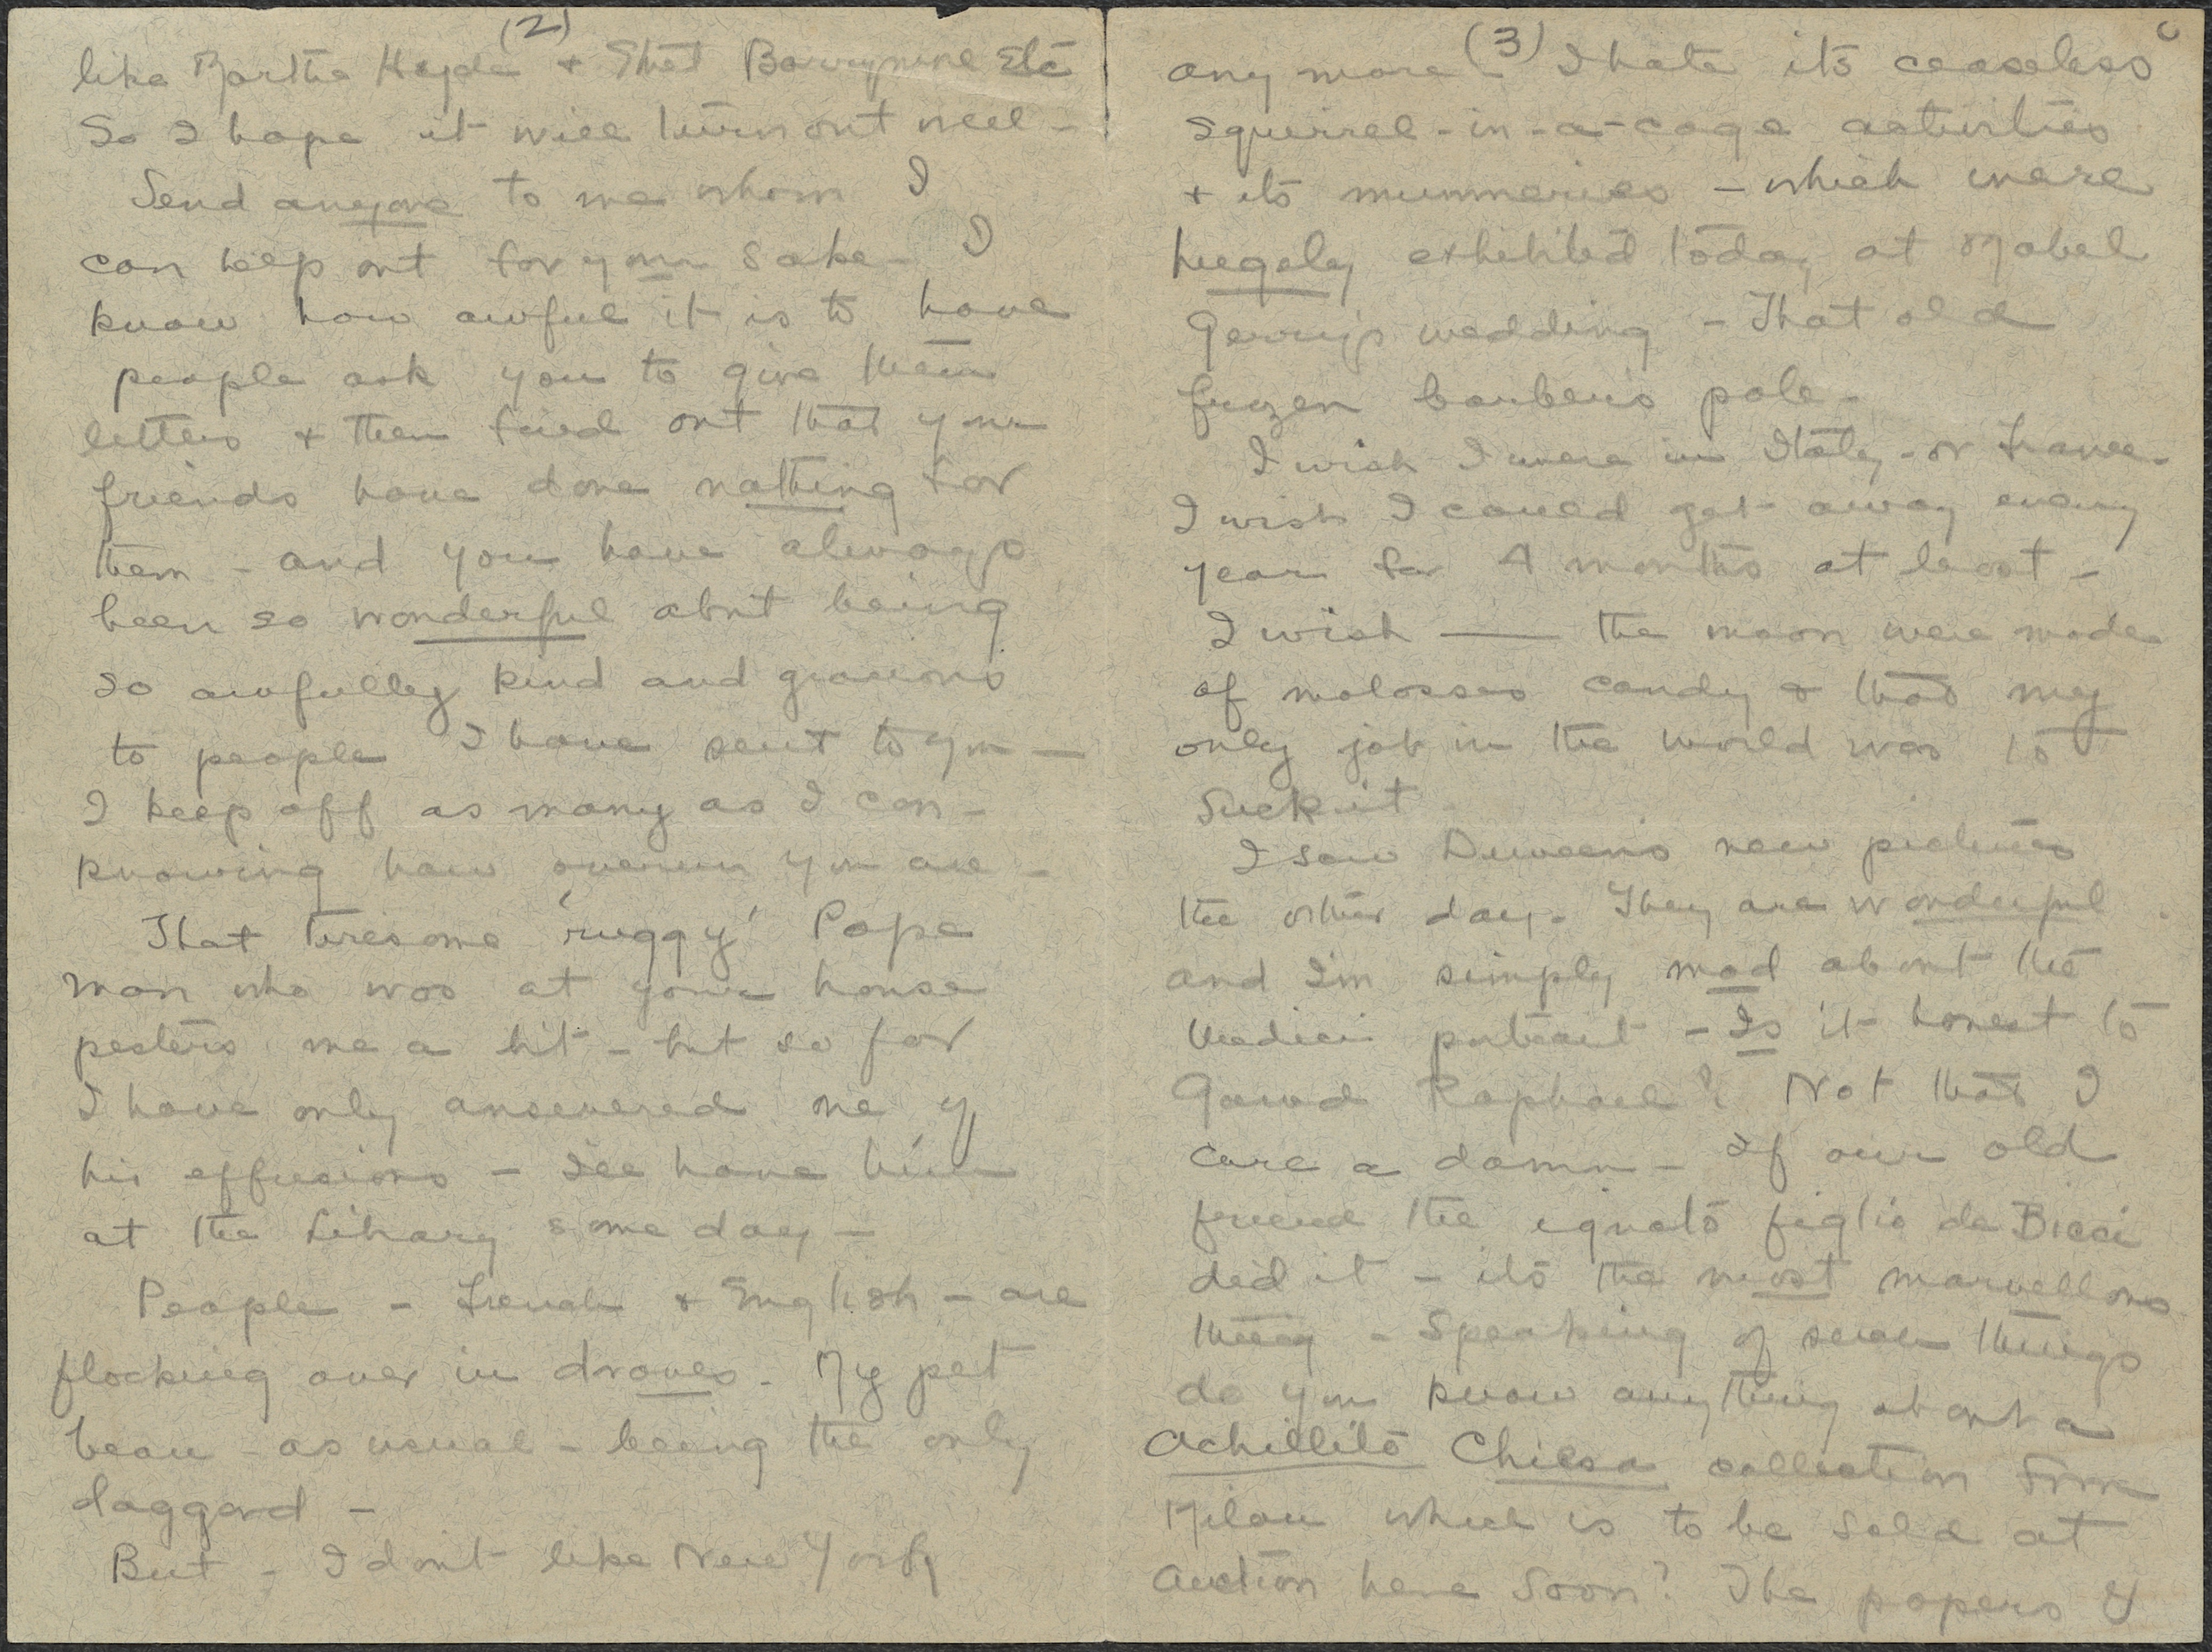like Martha Hyde & Shet [?] Barrynine etc So I hope it will turn out well –
Send anyone to me whom I can help out for your sake – I know how awful it is to have people ask you to give them letters & then find out that your friends have done nothing for them – and you have always been so wonderful about being so awfully kind and gracious to people I have sent to you – I keep off as many as I can – knowing how overrun you are –
That tiresome ‘ruggy’ Pope man who was at your house pesters me a bit – but so far I have only answered one of his effusions – I'll have him at the Library some day –
People – French & English – are flocking over in droves. My pet beau – as usual – being the only laggard –
But – I don’t like New York
any more – I hate its ceaseless squirrel-in-a-cage activities & its mummeries – which were hugely exhibited today at Mabel Gerry’s wedding – That old frozen barber’s pole –
I wish I were in Italy – or France – I wish I could get away every year for 4 months at least – I wish – the moon were made of molasses candy & that my only job in the world was to suck it.
I saw Duveen’s new pictures the other day. They are wonderful and I’m simply mad about the Medici portrait – Is it honest to Gawd Raphael? Not that I care a damn – if our old friend the ignato figlio de Bicci did it – its [sic] the most marvellousthing – speaking of such things do you know anything about a Achillito Chiesa collection from Milan which is to be sold at auction here soon? The papers &